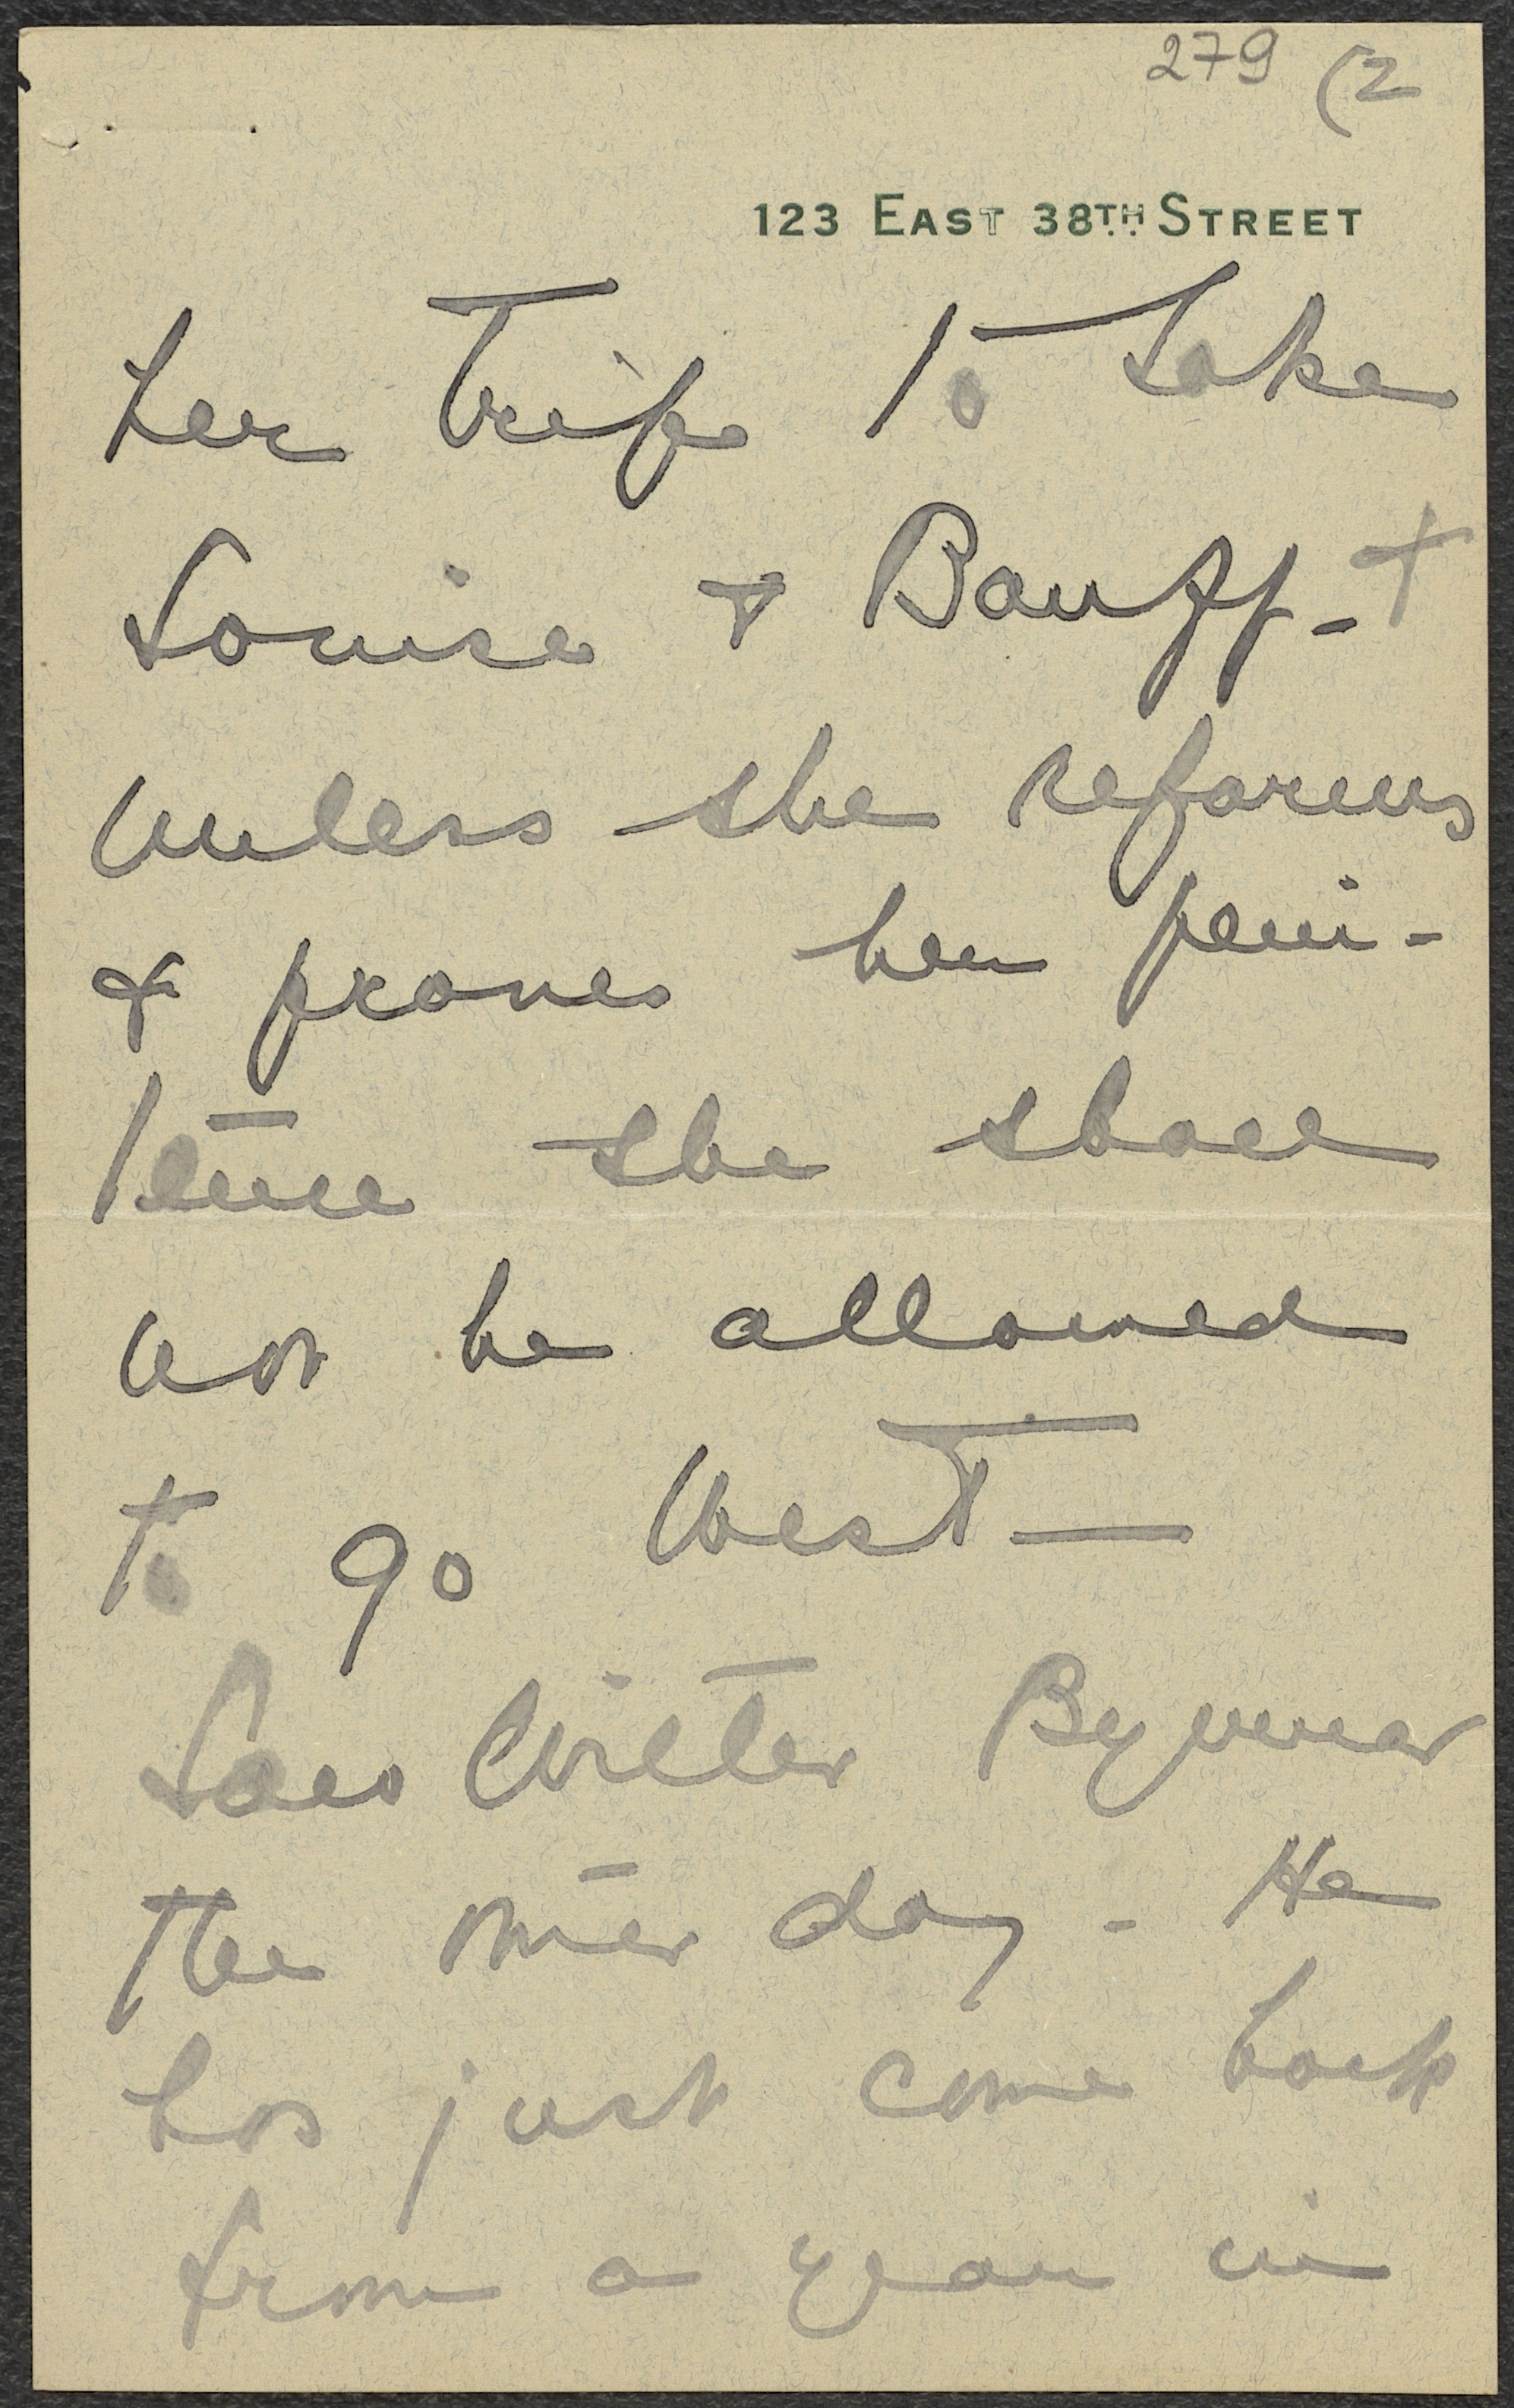her trip to Lake Louise & Banff – & unless she reforms & proves her penitence she shall not be allowed to go West –
Saw Walter [?] Bynum the other day – he has just come back from a year in